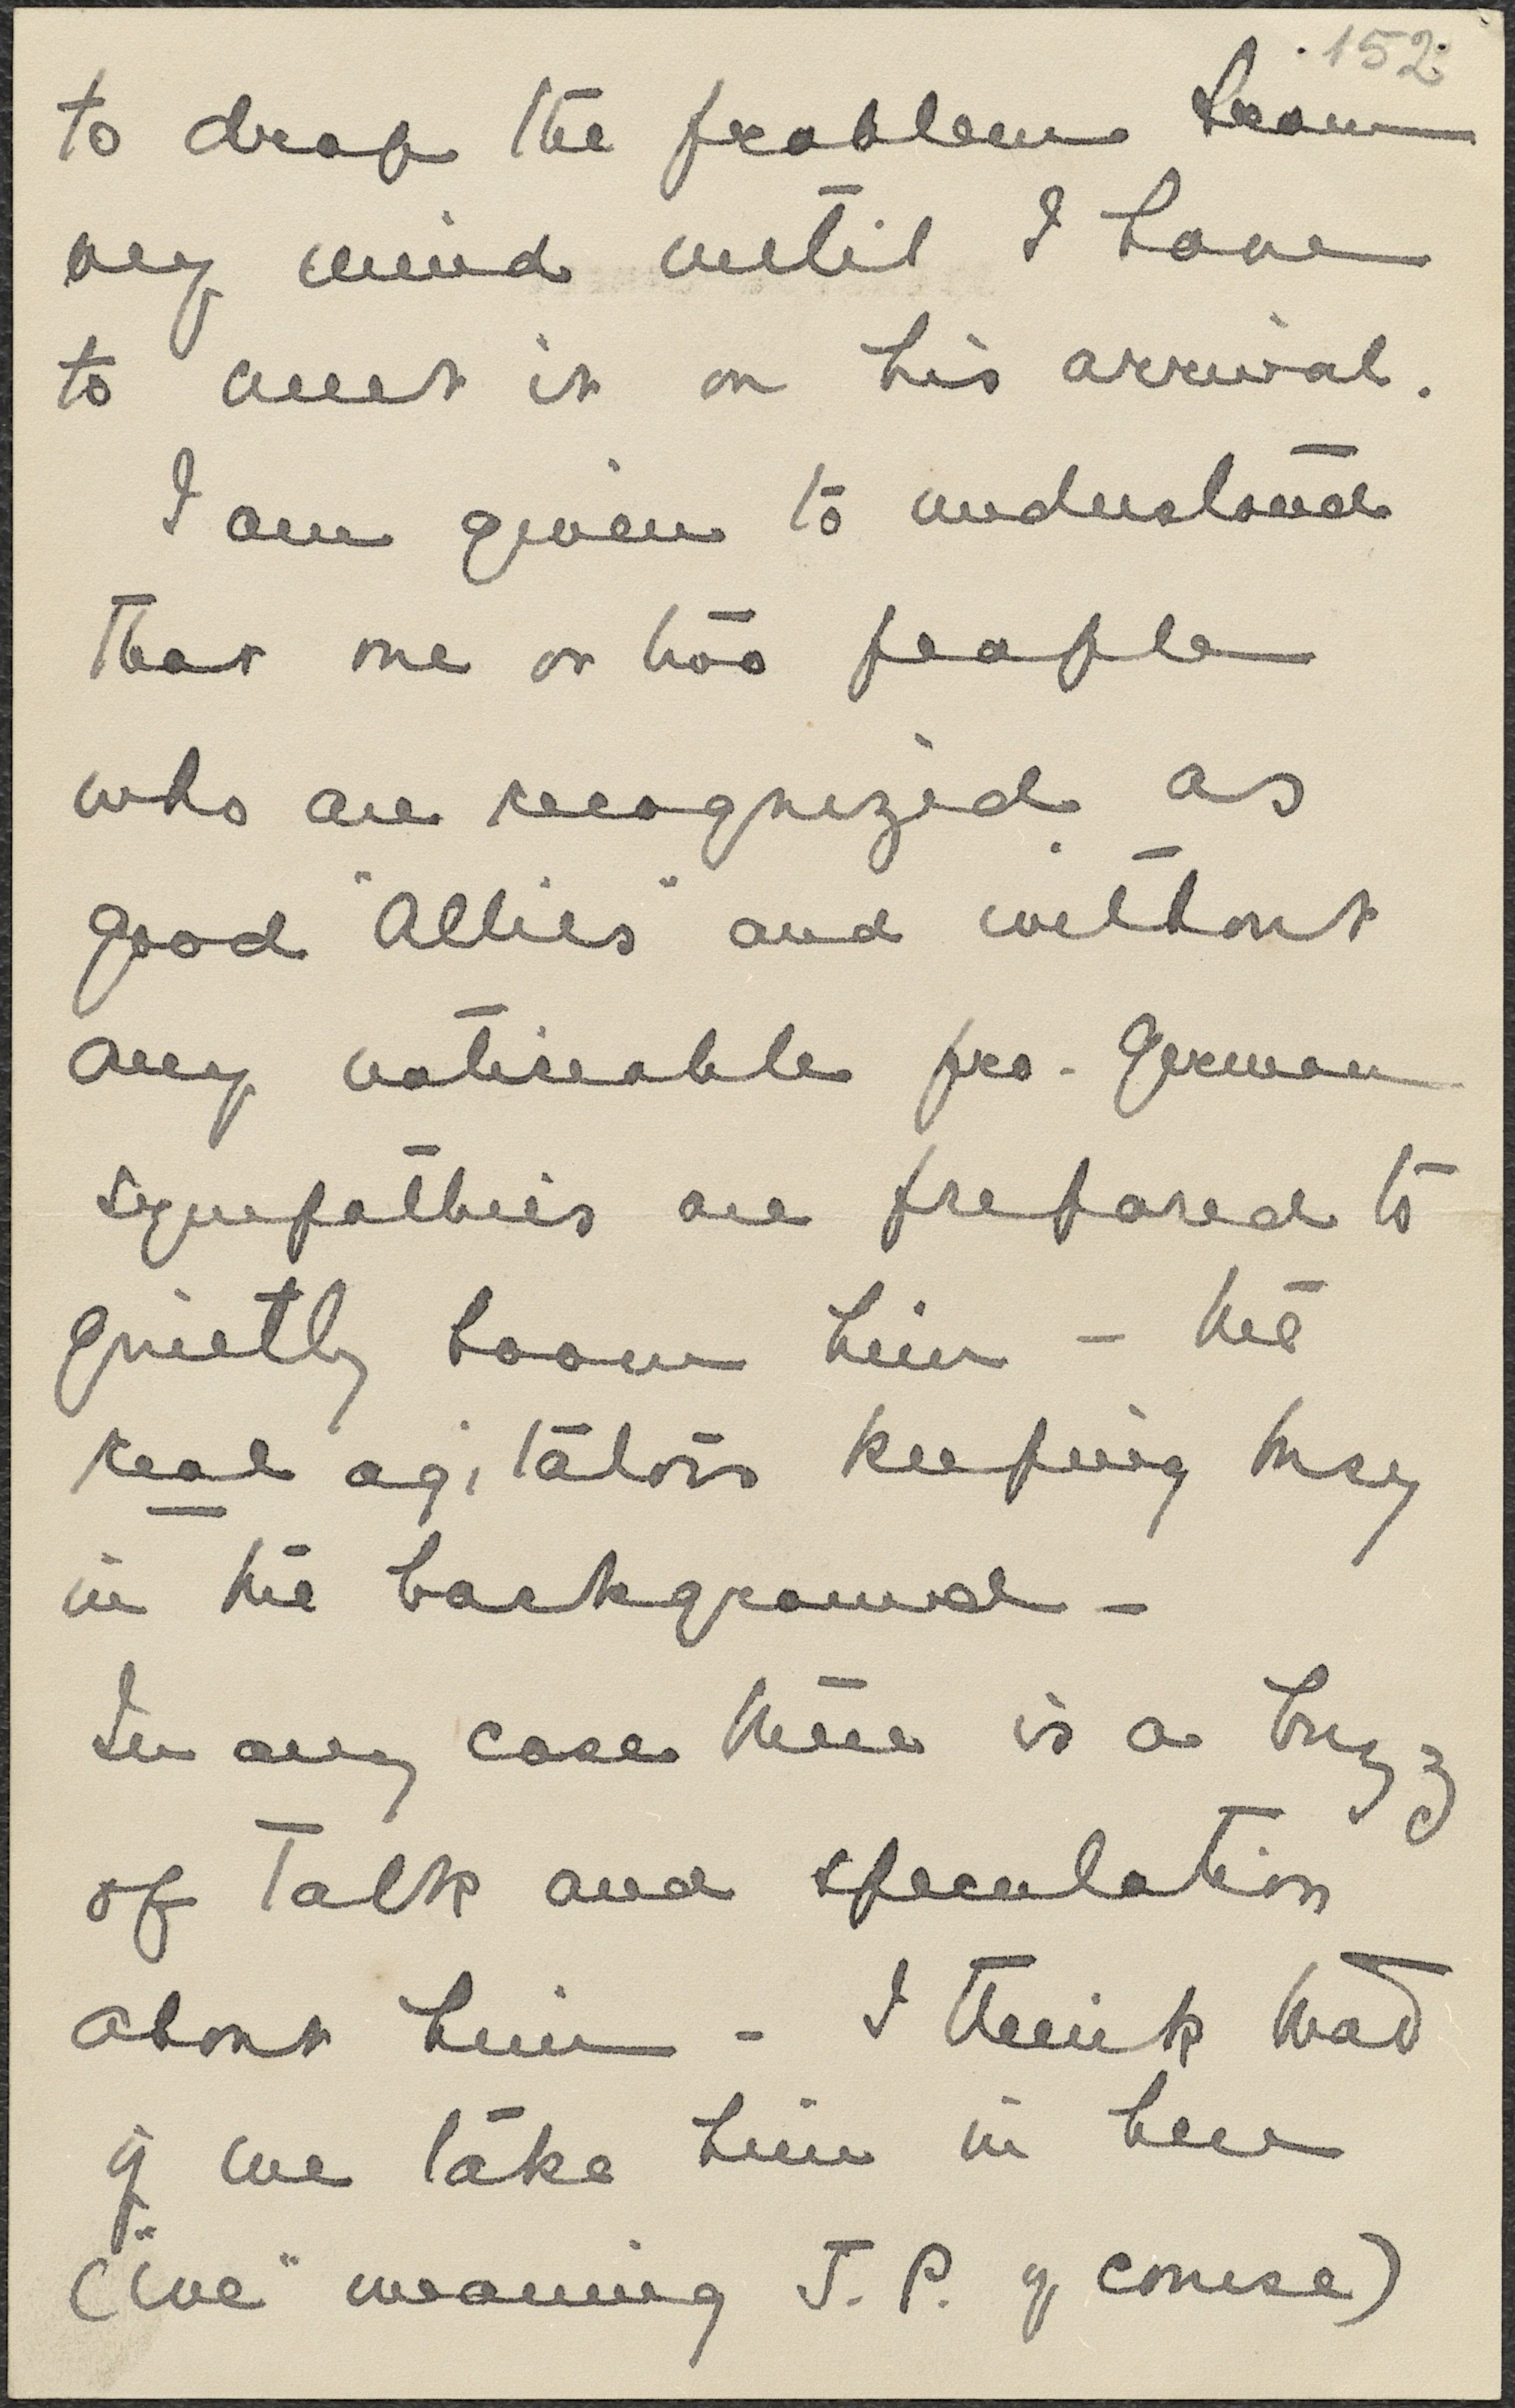to drop the problem from my mind until I have to meet it on his arrival.
I am given to understand that one or two people who are recognized as good "Allies" and without any noticeable pro-German sympathies are prepared to quietly boom him – the real agitation keeping busy in the background –
In any case there is a buzz of Talk and speculation about him – I think that if we take him in here ("we" meaning J.P. of course)